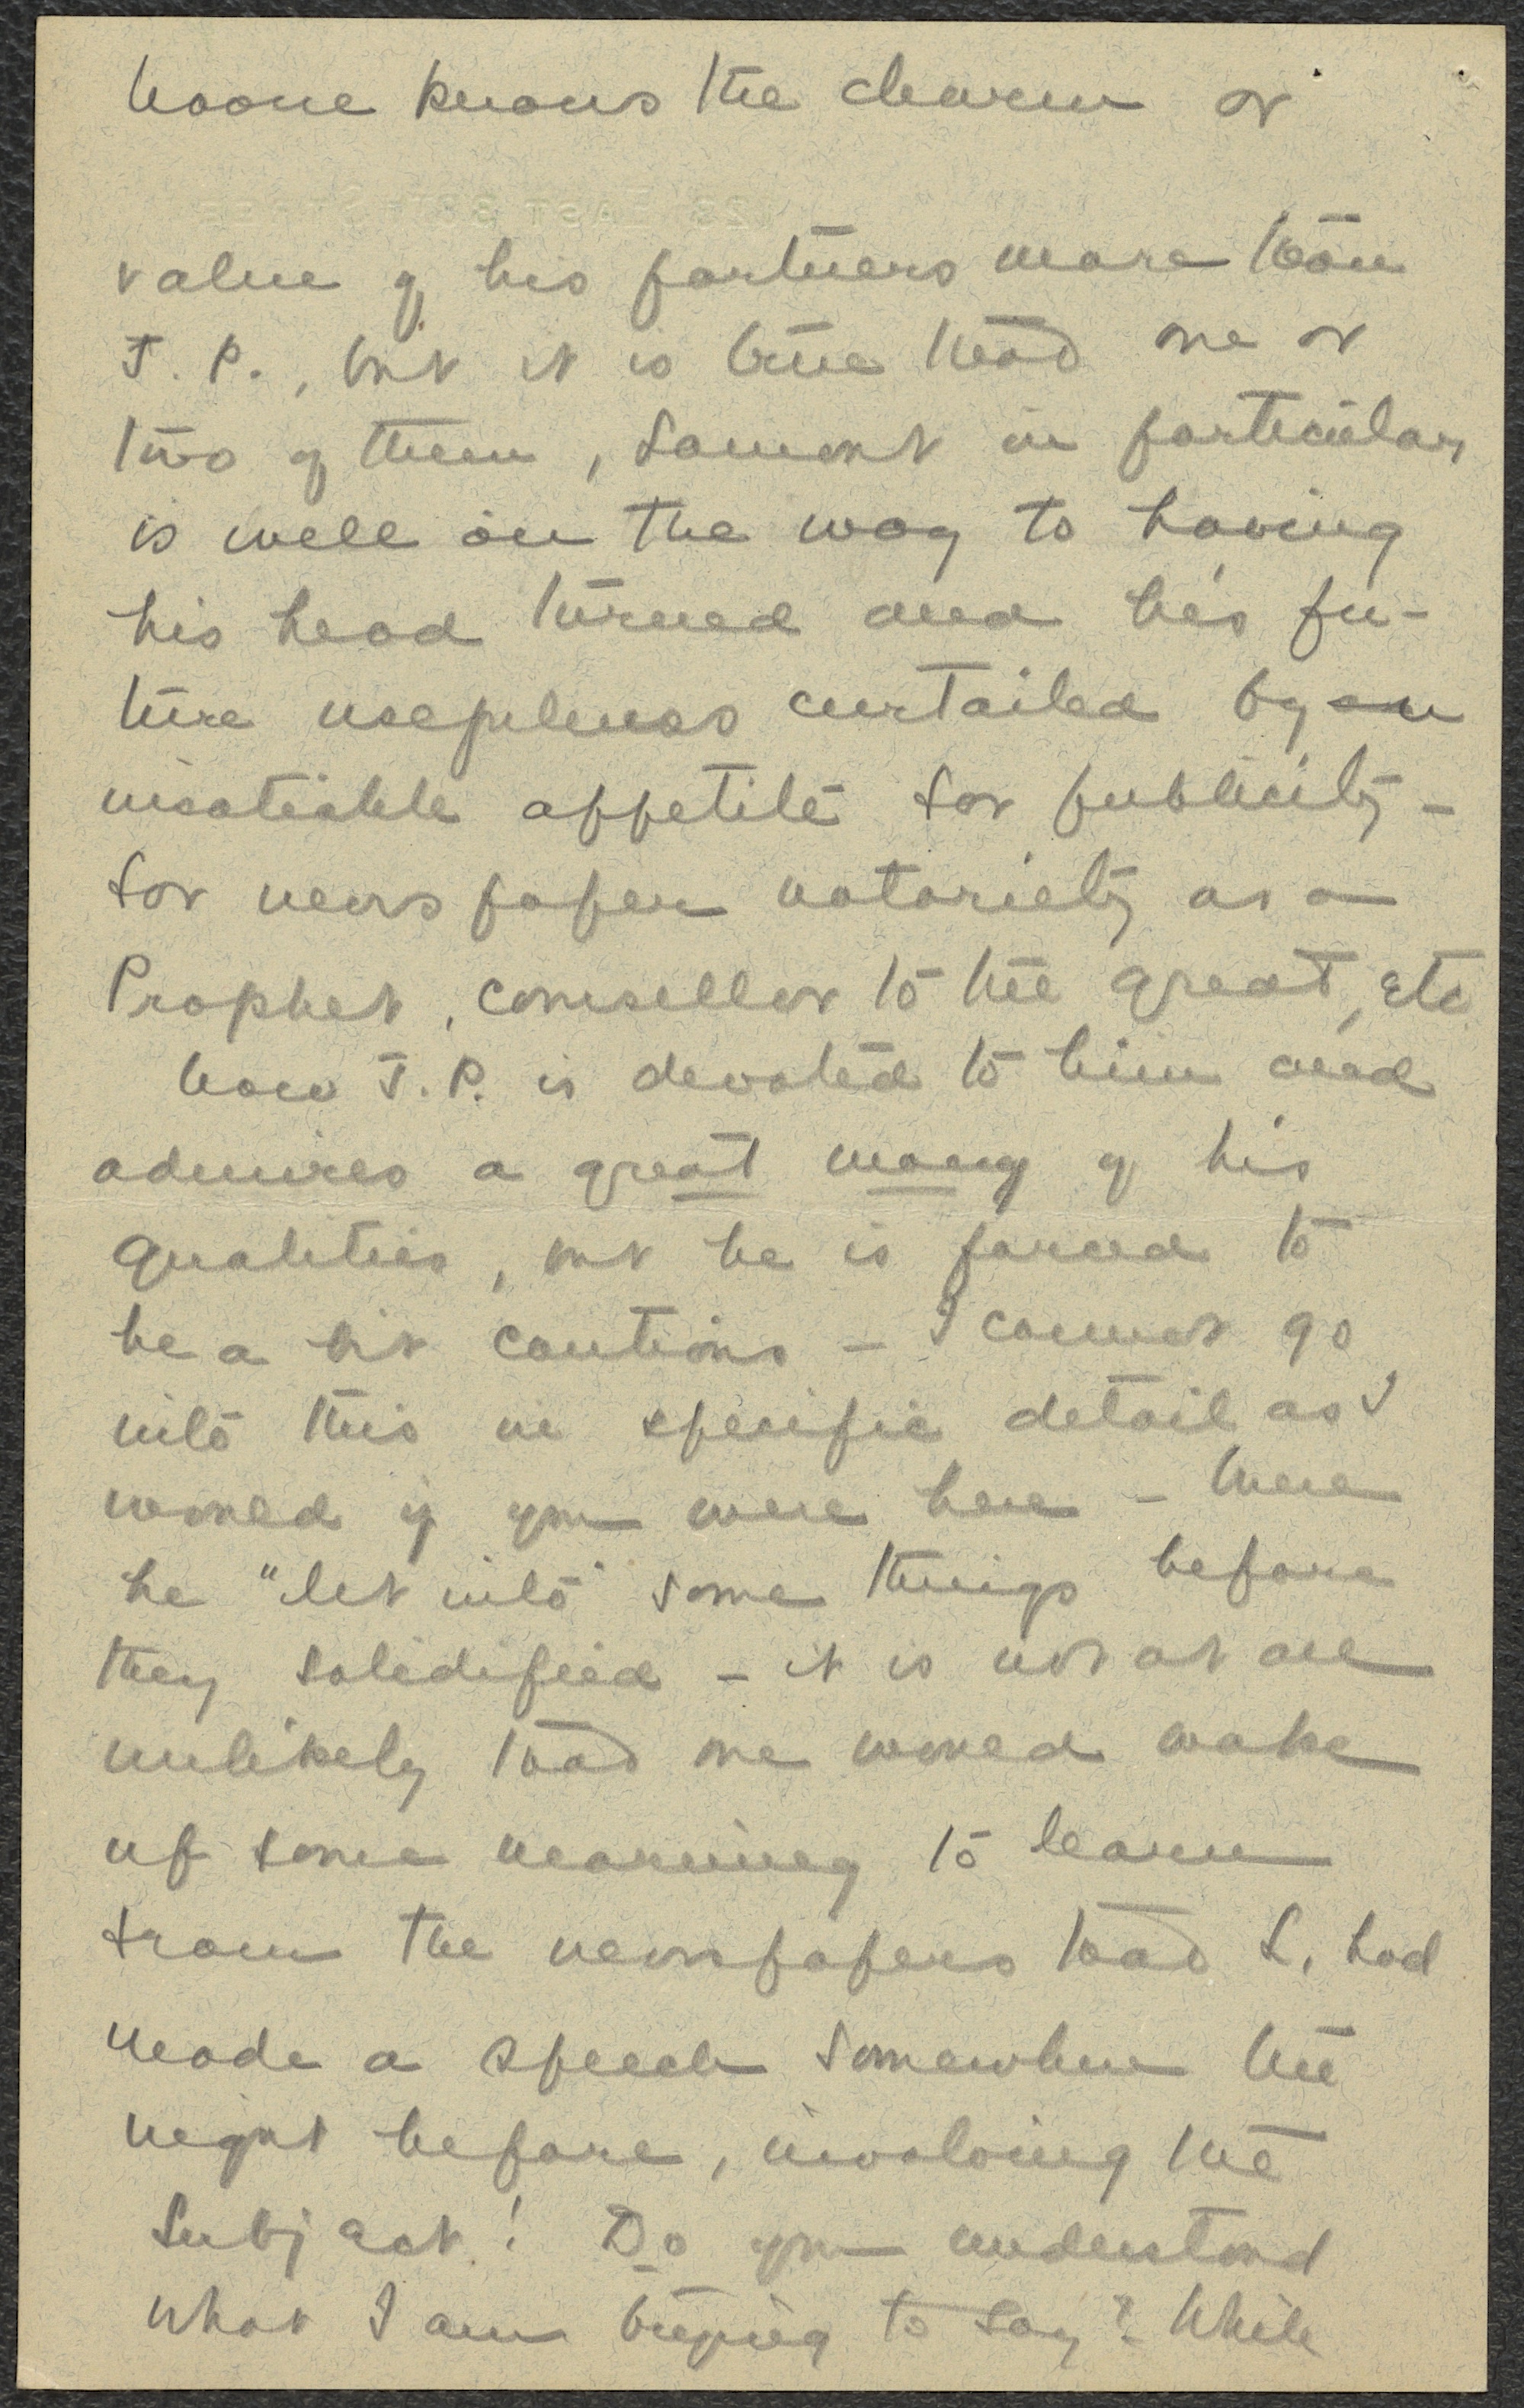no-one knows the charm or value of his partners more than J.P., but it is true that one or two of them, Lamont in particular is well on the way to having his head turned and his future usefulness curtailed by an insatiable appetite for publicity – for newspaper notoriety as a Prophet, counsellor to the great, etc
Now J.P. is devoted to him and admires a great many of his qualities, but he is forced to be a bit cautious – cannot go into this in specific detail as I would if you were here – there he “let into” some things before they solidified – it is not at all unlikely that one would make up some warning to learn from the newspapers that L, had made a speech somewhere the night before, involving the subject! Do you understand what I am trying to say? While